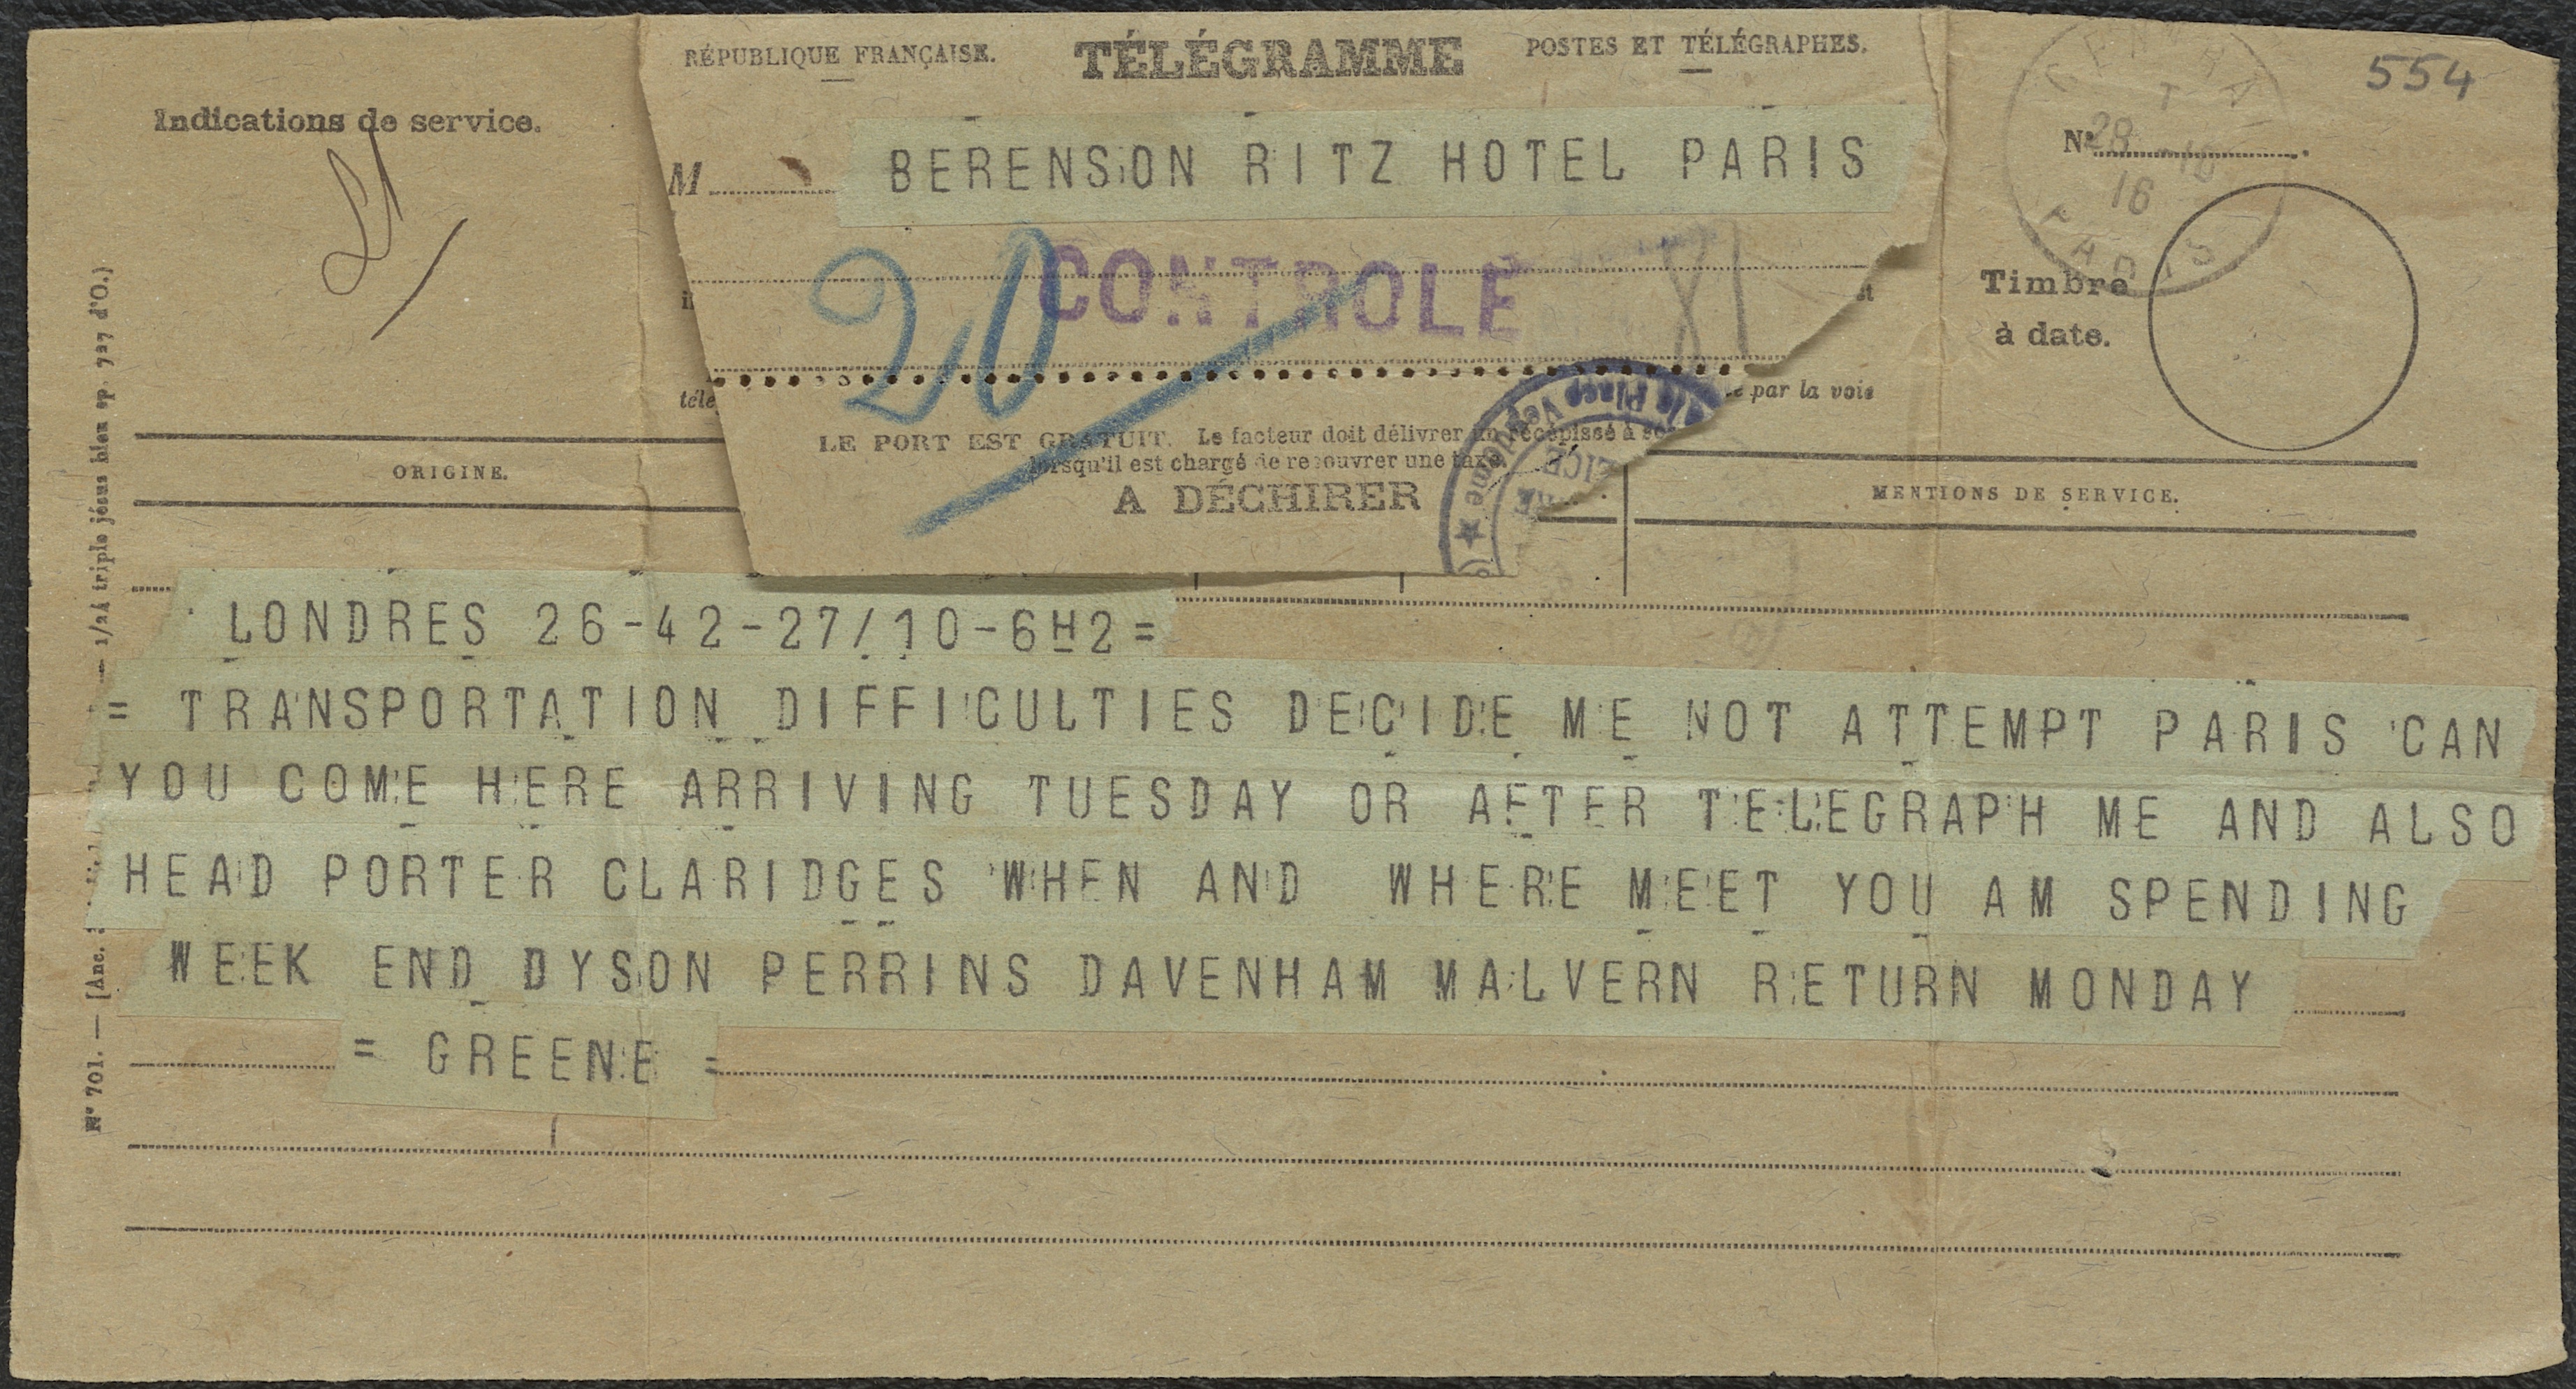Transportation difficulties decide me not attempt Paris can you come here arriving Tuesday or after telegraph me and also head porter claridges when and where meet you am spending week end dyson perrins davenham malvern return Monday
Greene